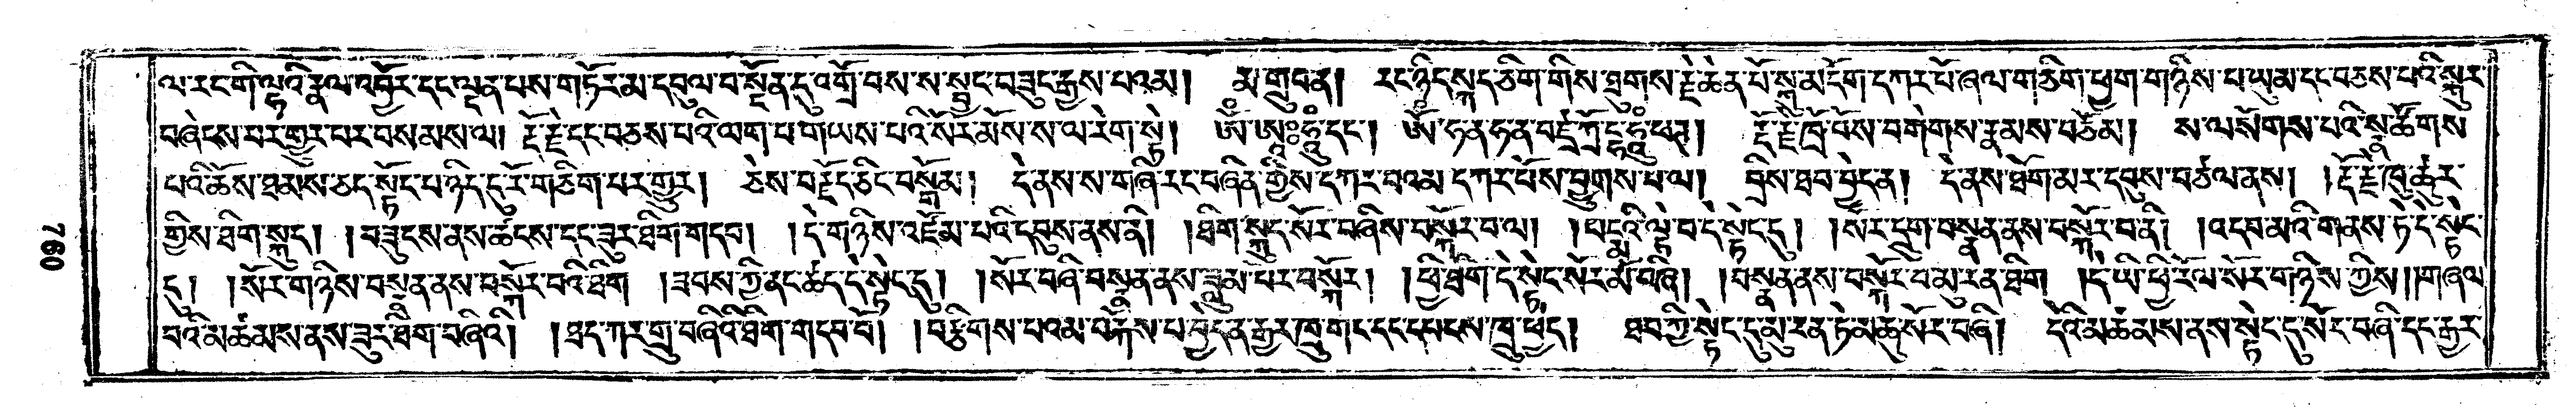ལ་རང་གི་ལྷའི་རྣལ་འབྱོར་དང་ལྡན་པས་གཏོར་མ་དབུལ་བ་སྔོན་དུ་འགྲོ་བས་ས་སྦྱང་བཟུང་རྒྱས་པའམ། མ་གྲུབ་ན། རང་ཉིད་སྐད་ཅིག་གིས་ཐུགས་རྗེ་ཆེན་པོ་སྐུ་མདོག་དཀར་པོ་ཞལ་གཅིག་ཕྱག་གཉིས་པ་ཡུམ་དང་བཅས་པའི་སྐུར་
བཞེངས་པར་གྱུར་པར་བསམས་ལ། རྡོ་རྗེ་དང་བཅས་པའི་ལག་པ་གཡས་པའི་སོར་མོས་ས་ལ་རེག་སྟེ། ཨོཾ་ཨཱཿཧཱུཾ་དང་། ཨོཾ་ཧ་ན་ཧ་ན་བཛྲ་ཀྲོདྷ་ཧཱུཾ་ཕཊ། རྡོ་རྗེ་ཁྲོ་བོས་བགེགས་རྣམས་བཅོམ། ས་ལ་སོགས་པའི་སྣ་ཚོགས་
པའི་ཆོས་ཐམས་ཅད་སྟོང་པ་ཉིད་དུ་རོ་གཅིག་པར་གྱུར། ཅེས་བརྗོད་ཅིང་བསྒོམ། དེ་ནས་ས་གཞི་རང་བཞིན་གྱིས་དཀར་བའམ། དཀར་པོས་བྱུགས་པ་ལ། བྲིས་ཐབ་བྱེད་ན། དེ་ནས་ཐོག་མར་དབུས་བཙལ་ནས། །རྡོ་རྗེ་ཁུ་ཚུར་
གྱིས་ཐིག་སྐུད། །བཟུངས་ནས་ཚངས་དང་ཟུར་ཐིག་གདབ། །དེ་གཉིས་འཛོམ་པའི་དབུས་ནས་ནི། །ཐིག་སྐུད་སོར་བཞིས་བསྐོར་བ་ལ། །པདམའི་ལྟེ་བ་དེ་སྟེང་དུ། །སོར་དྲུག་བསྣན་ནས་བསྐོར་བ་ནི། །འདབ་མའི་གནས་ཏེ་དེ་སྟེང་
དུ། །སོར་གཉིས་བསྣུན་ནས་བསྐོར་བའི་ཐིག །ཟབས་ཀྱི་ནང་ཚད་དེ་སྟེང་དུ། །སོར་བཞི་བསྣན་ནས་ཟླུམ་པར་བསྐོར། །ཕྱི་ཐིག་དེ་སྟེང་སོར་མོ་བཞི། །བསྣན་ནས་བསྐོར་བ་མུ་རན་ཐིག །དེ་ཡི་ཕྱི་རོལ་སོར་གཉིས་ཀྱིས། །གཞལ་
བའི་མཚམས་ནས་ཟུར་ཐིག་བཞིའི། །ཐད་ཀར་གྲུ་བཞིའི་ཐིག་གདབ་བོ། །བརྩིགས་པའམ་བརྐོས་པའི་བྱེད་ན་རྒྱར་ཁྲུ་གང་དང་དབངས་ཁྲུ་ཕྱེད། ཐབས་ཀྱི་སྟེང་དུ་མུ་རན་ཏེ་མཆུ་སོར་བཞི། དེའི་མཚམས་ནས་སྟེང་དུ་སོང་བཞི་དང་རྒྱར་